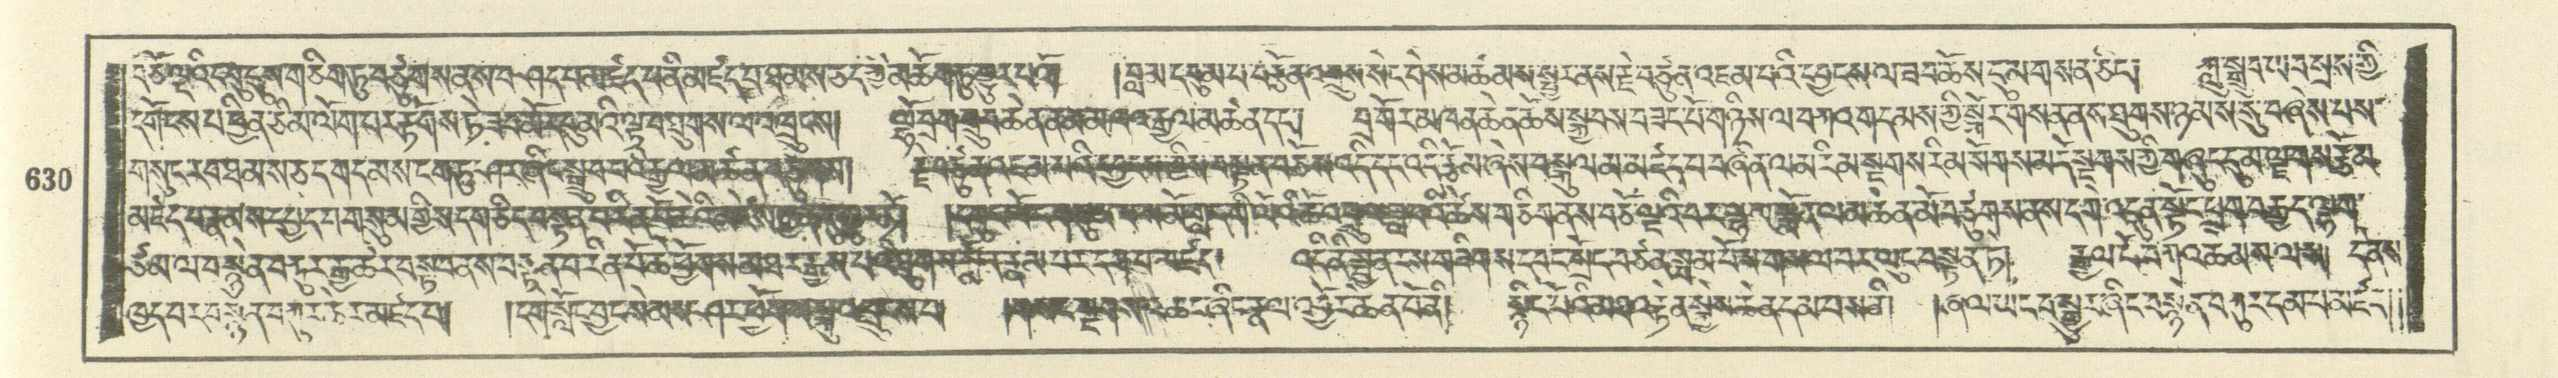བཅོ་ལྔའི་དབུ་དུས་གཅིག་ཏུ་བཙུགས་ནས་བཤད་པ་མཛད་པ་ནི་མཛད་པ་ཐམས་ཅད་ཀྱི་མཆོག་ཏུ་གྱུར་པའོ། །བླ་མ་དབུ་མ་པ་བརྩོན་འགྲུས་སེང་གེས་མཚམས་སྦྱར་ནས་རྗེ་བཙུན་འཇམ་པའི་དབྱངས་ལ་ཟབ་ཆོས་དུ་མ་གསན་ཅིང་། ཀླུ་སྒྲུབ་ཡབ་སྲས་ཀྱི་
དགོངས་པ་ཕྱིན་ཅི་མ་ལོག་པར་རྟོགས་ཏེ་ཟབ་མོ་དབུ་མའི་ལྟ་བ་ཐུགས་ལ་འཁྲུངས། ལྷོ་བྲག་གྲུབ་ཆེན་ནམ་མཁའ་རྒྱལ་མཚན་དང་། བྲ་གོར་མཁན་ཆེན་ཆོས་སྐྱབས་བཟང་པོ་གཉིས་ལ་བཀའ་གདམས་ཀྱི་སྐོར་གསན་ནས་ཐུགས་ཉམས་སུ་བཞེས་པས་
གསུང་རབ་ཐམས་ཅད་གདམས་ངག་ཏུ་ཤར་ཞིང་སྒྲུབ་པའི་རྒྱལ་མཚན་བཙུགས། རྗེ་བཙུན་འཇམ་པའི་དབྱངས་ཀྱིས་བསྟན་བཅོས་འདི་དང་འདི་རྩོམ་ཞེས་བསྐུལ་མ་མཛད་པ་བཞིན་ལམ་རིམ་སྔགས་རིམ་སོགས་མདོ་སྔགས་ཀྱི་གཞུང་དུ་མ་ལྗགས་རྩོམ་
མཛད་པ་རྣམས་དཔྱད་པ་གསུམ་གྱིས་དག་ཅིང་བསྟན་པ་རིན་པོ་ཆེའི་མཛེས་རྒྱན་དུ་གྱུར་ཏོ། །དགུང་ལོ་ང་གསུམ་པས་མོ་གླང་གི་ལོའི་ཚེ་འཕྲུལ་ཟླ་བའི་ཚེས་གཅིག་ནས་བཅོ་ལྔའི་བར་ལྷ་ས་སྨོན་ལམ་ཆེན་མོ་བཙུགས་ནས་དགེ་འདུན་སྟོང་ཕྲག་བརྒྱད་ལྷག་
ཙམ་ལ་བསྙེན་བཀུར་རྒྱ་ཆེར་བསྟབ་ནས་བསྟན་པ་རིན་པོ་ཆེ་ཝྥྱོགས་མཐར་རྒྱས་པའི་ཐུགས་སྨོན་རྣམ་པར་དག་པ་མཛད། འདི་ནི་སྤྱན་རས་གཟིགས་དབང་སྲོང་བཙན་སྒོམ་པོས་གསལ་བར་ལུང་བསྟན་ཏེ། རྒྱལ་པོ་བཀའ་ཆེམས་ལས། དེ་ནས་
ཁྱད་པར་བསྙེན་བཀུར་ཆེར་མཛད་པ། །དགེ་སློང་བྱང་སེམས་ཤར་ཕྱོགས་སྐུ་འཁྲུངས་པ། །གསང་སྔགས་འཆང་ཞིང་རྣལ་འབྱོར་ཆེན་པོ་ནི། །སྙིང་པོའི་མཐའ་རྟེན་སྐྱེས་ཆེན་དམ་པས་ནི། །ཞལ་ཡང་བསྒྱུར་ཞིང་བསྙེན་བཀུར་དམ་པ་མཛད་